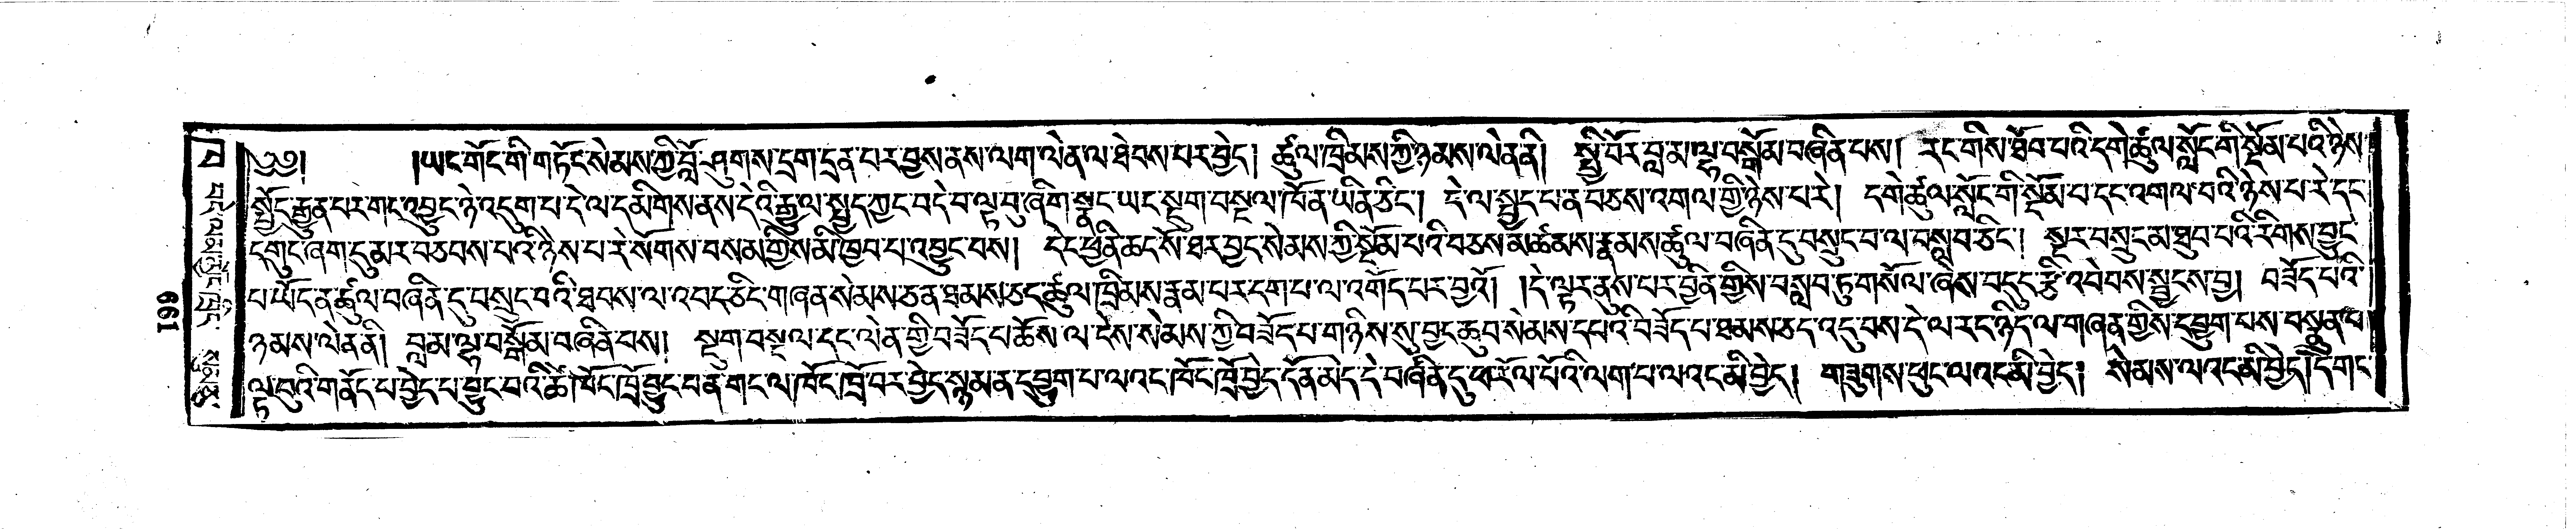༄༅། །ཡང་གོང་གི་གཏོང་སེམས་ཀྱི་བློ་ཤུགས་དྲག་དྲན་པར་བྱས་ནས་ལག་ལེན་ལ་ཐེབས་པར་བྱེད། ཚུལ་ཁྲིམས་ཀྱི་ཉམས་ལེན་ནི། སྤྱི་བོར་བླ་མ་ལྷ་བསྒོམ་བཞིན་པས། རང་གིས་ཐོབ་པའི་དགེ་ཚུལ་སློང་གི་སྡོམ་པའི་ཉེས་
སྤྱོད་རྒྱུན་པར་གང་འབྱུང་ཉེ་འདུག་པ་དེ་ལ་དམིགས་ནས་དེའི་རྒྱུ་ལ་སྤྱད་ཀྱང་བདེ་བ་ལྟ་བུ་ཞིག་སྣང་ཡང་སྡུག་བསྔལ་ཁོ་ན་ཡིན་ཅིང་། དེ་ལ་སྤྱང་པ་ན་བཅས་འགལ་གྱི་ཉེས་པ་རེ། དགེ་ཚུལ་སློང་གི་སྔོམ་པ་དང་འགལ་བའི་ཉེས་པ་རེ་དང་
དགུང་ཞག་དུ་མར་བཅས་པའི་ཉེས་པ་རེ་སོགས་བསམ་གྱིས་མི་ཁྱབ་པ་འབྱུང་བས། དེང་ཕྱིན་ཆད་སོ་ཐར་བྱང་སེམས་ཀྱི་སྔོམ་པའི་བཅས་མཚམས་རྣམས་ཚུལ་བཞིན་དུ་བསྲུང་བ་ལ་བསླབ་ཅིང་། སྔར་བསྲུང་མ་ཐུབ་པའི་རིགས་བྱུང་
པ་ཡོད་ན་ཚུལ་བཞིན་དུ་བསྲུང་བའི་ཐབས་ལ་འབད་ཅིང་གཞན་སེམས་ཅན་ཐམས་ཅད་ཚུལ་ཁྲིམས་རྣམ་པར་དག་པ་ལ་འགོད་པར་བྱའོ། །དེ་ལྟར་ནུས་པར་བྱིན་གྱིས་བསླབ་ཏུ་གསོལ་ཞེས་བདུད་རྩི་འབེབས་སྦྱངས་བྱ། བཟོད་པའི་
ཉམས་ལེན་ནི། བླ་མ་ལྷ་བསྒོམ་བཞིན་པས། སྡུག་བསྔལ་དང་ལེན་གྱི་བཟོད་པ་ཆོས་ལ་ངེས་སེམས་ཀྱི་བཟོད་པ་གཉིས་སུ་བྱང་ཆུབ་སེམས་དཔའི་བཟོད་པ་ཐམས་ཅད་འདུ་བས་དེ་ལ་རང་ཉིད་ལ་གཞན་གྱིས་དབྱུག་པས་བསྣུན་པ་
ལྟ་བུའི་གནོད་པ་བྱེད་པ་བྱུང་བའི་ཚེ་ཁོང་ཁྲོ་བྱུང་བ་ན་གང་ལ་ཁོང་ཁྲོ་བར་བྱེད་སྙམ་ན་དབྱུག་པ་ལའང་ཁོང་ཁྲོ་བྱེད་དོན་མེད་དེ་བཞིན་དུ་ཕ་རོལ་པོའི་ལག་པ་ལའང་མི་བྱེད། གཟུགས་ཕུང་ལའང་མི་བྱེད། སེམས་ལའང་མི་བྱེད། དེ་གང་